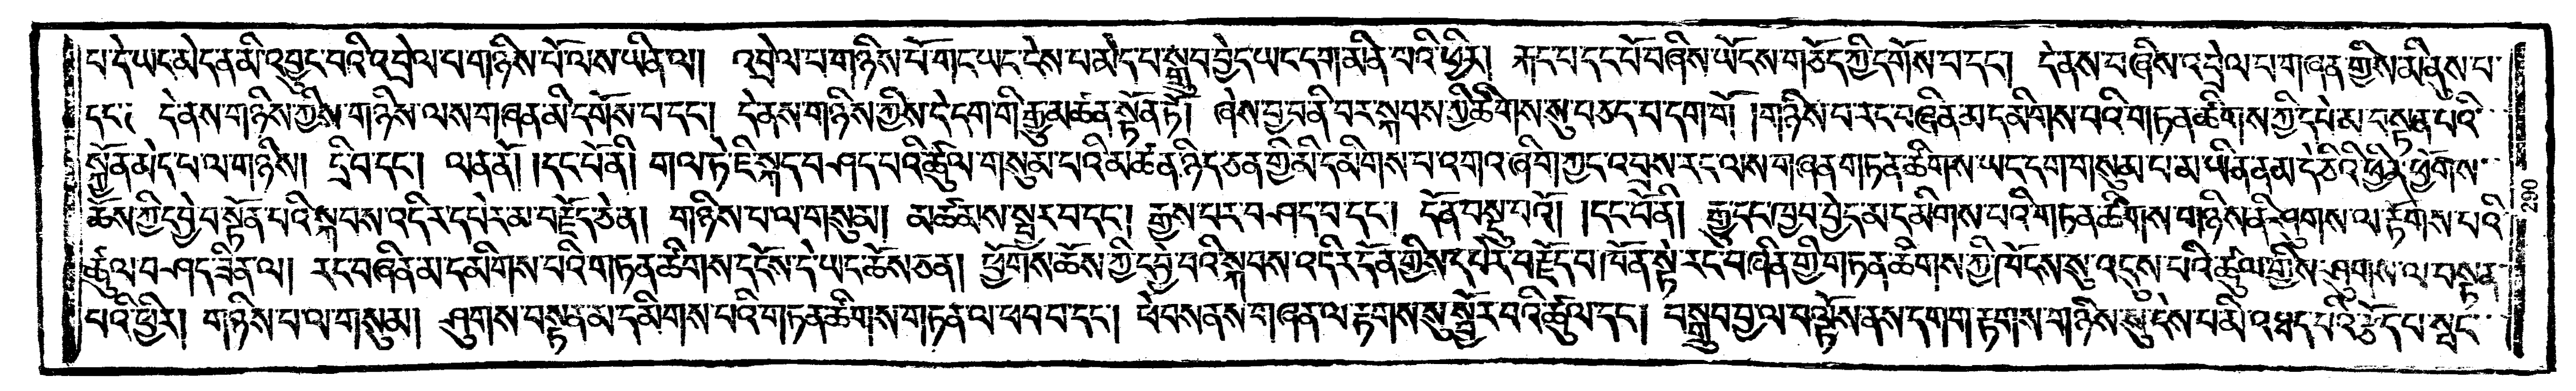པ་དེ་ཡང་མེད་ན་མི་འབྱུང་བའི་འབྲེལ་བ་གཉིས་པོ་ལས་ཡིན་ལ། འབྲེལ་པ་གཉིས་པོ་གང་ཡང་ངེས་པ་མེད་པ་སྒྲུབ་བྱེད་ཡང་དག་མིན་པའི་ཕྱིར། རྐང་པ་དང་པོ་བཞིས་ཡོངས་གཅོད་ཀྱི་དོགས་པ་དང་། དེ་ནས་བཞིས་འབྲེལ་པ་གཞན་གྱིས་མི་ནུས་པ་
དང༑ དེ་ནས་གཉིས་ཀྱིས་གཉིས་ལས་གཞན་མི་དགོས་པ་དང་། དེ་ནས་གཉིས་ཀྱིས་དེ་དག་གི་རྒྱུ་མཚན་སྟོན་ཏོ། ཞེས་བྱ་བ་ནི་བར་སྐབས་ཀྱི་ཚིགས་སུ་བཅད་པ་དག་གོ །གཉིས་པ་རང་བཞིན་མ་དམིགས་པའི་གཏན་ཚིགས་ཀྱི་དཔེ་མ་བསྟན་པའི་
སྐྱོན་མེད་པ་ལ་གཉིས། དྲི་བ་དང་། ལན་ནོ། །དང་པོ་ནི། གལ་ཏེ་ཇི་སྐད་བཤད་པའི་ཚུལ་གསུམ་པའི་མཚན་ཉིད་ཅན་གྱི་མི་དམིགས་པ་འགའ་ཞིག་ཀྱང་འབྲས་རང་ལས་གཞན་གཏན་ཚིགས་ཡང་དག་གསུམ་པ་མ་ཡིན་ནམ་དེ་ཅིའི་ཕྱིན་ཕྱོགས་
ཆོས་ཀྱི་དབྱེ་བ་སྟོན་པའི་སྐབས་འདིར་དཔེར་མ་བརྗོད་ཅེ་ན། གཉིས་པ་ལ་གསུམ། མཚམས་སྦྱར་བ་དང་། རྒྱས་པར་བཤད་པ་དང་། དོན་བསྡུ་བའོ། །དང་པོ་ནི། རྒྱུ་དང་ཁྱབ་བྱེད་མ་དམིགས་པའི་གཏན་ཚིགས་གཉིས་ནི་ཤུགས་ལ་རྟོགས་པའི་
ཚུལ་བཤད་ཟིན་ལ། རང་བཞིན་མ་དམིགས་པའི་གཏན་ཚིགས་དངོས་དེ་ཡང་ཆོས་ཅན། ཕྱོགས་ཆོས་ཀྱི་དབྱེ་བའི་སྐབས་འདིར་དོན་གྱིས་དཔེར་བརྗོད་པ་ཁོ་ན་སྟེ་རང་བཞིན་གྱི་གཏན་ཚིགས་ཀྱི་ཁོངས་སུ་འདུས་པའི་ཚུལ་གྱིས་ཤུགས་ལ་བསྟན་
པའི་ཕྱིར། གཉིས་པ་ལ་གསུམ། ཤུགས་བསྟན་མ་དམིགས་པའི་གཏན་ཚིགས་གཏན་ལ་ཕབ་བ་དང་། ཕེབས་ནས་གཞན་ལ་རྟགས་སུ་སྦྱོར་བའི་ཚུལ་དང་། བསྒྲུབ་བྱ་ལ་བལྟོས་ནས་དགག་རྟགས་གཉིས་སུ་ངེས་པ་མི་འཐད་པའི་རྩོད་པ་སྤང་